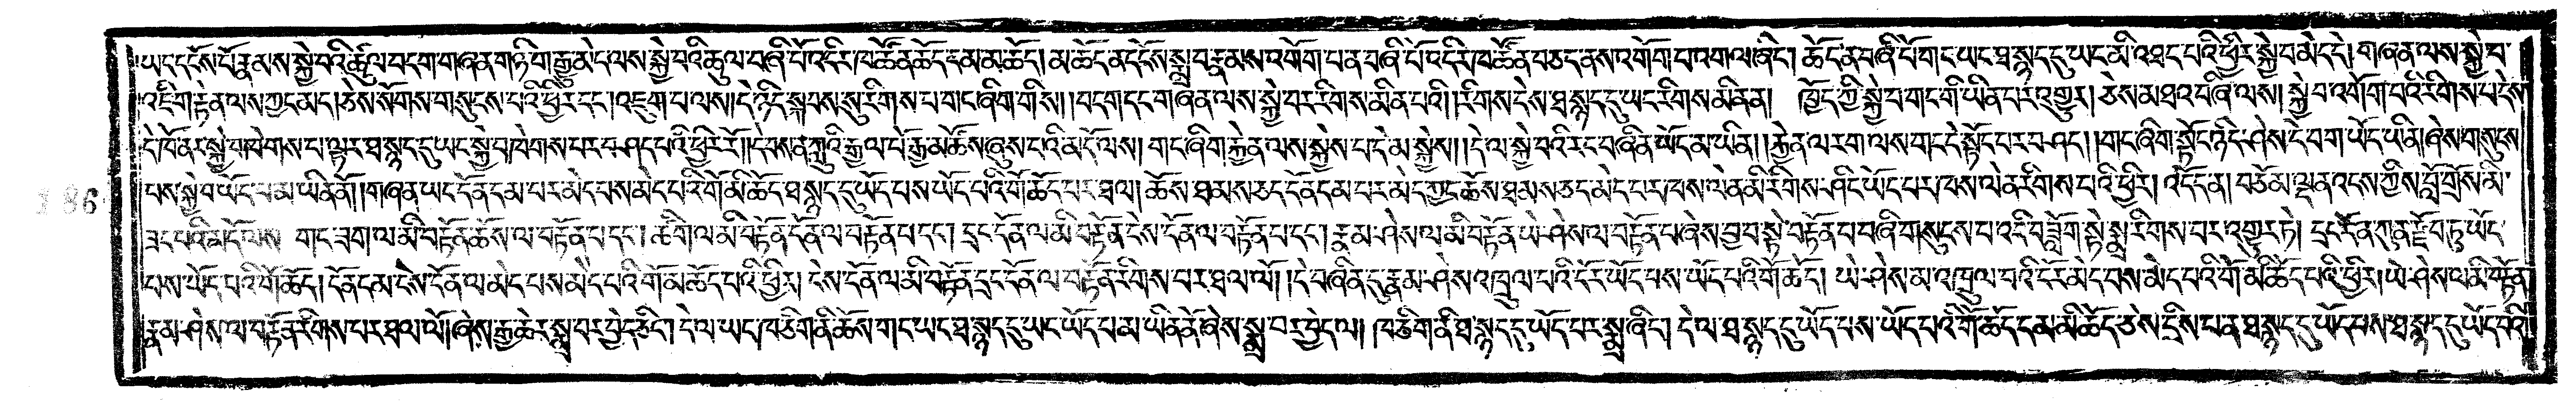ཡང་དངོས་པོ་རྣམས་སྐྱེ་བའི་ཚུལ་བདག་གཞན་གཉི་ག་རྒྱུ་མེད་ལས་སྐྱེ་བའི་ཆུལ་བཞི་པོ་འདིར་ཁ་ཚོན་ཆོད་དམ་མཆོད། མ་ཆོད་ན་དངོས་སྨྲ་བ་རྣམས་འགོག་པ་ན་བཞི་པོ་འདིར་ཁ་ཚོན་བཅད་ནས་འགོག་པ་འགལ་ཞིང་། ཆོད་ན་བཞི་པོ་གང་ཡང་ཐ་སྙད་དུ་ཡང་མི་འཐད་པའི་ཕྱིར་སྐྱེ་བ་མེད་དེ། གཞན་ལས་སྐྱེ་བ་
འཇིག་རྟེན་ལས་ཀྱང་མད། ཅེས་སོགས་གསུངས་པའི་ཕྱིར་དང་། འཇུག་པ་ལས། དེ་ཉིད་སྐབས་སུ་རིགས་པ་གང་ཞིག་གིས། །བདག་དང་གཞན་ལས་སྐྱེ་བར་རིགས་མིན་པའི། །རིགས་དེས་ཐ་སྙད་དུ་ཡང་རིགས་མིན་ན། ཁྱོད་ཀྱི་སྐྱེ་བ་གང་གི་ཡིན་པར་འགྱུར། ཅེས་མཐའ་བཞི་ལས། སྐྱེ་བ་འགོག་པའི་རིགས་པ་དེས་
དེ་ཁོ་ནར་སྐྱེ་བ་ལེགས་པ་ལྟར་ཐ་སྙད་དུ་ཡང་སྐྱེ་བ་ཁེགས་པར་བཤད་པའི་ཕྱིར་རོ། །དེ་བས་ན་ཀླུའི་རྒྱལ་པོ་རྒྱ་མཚོས་ཞུས་པའི་མདོ་ལས། གང་ཞིག་རྐྱེན་ལས་སྐྱེས་པ་དེ་མ་སྐྱེས། །དེ་ལ་སྐྱེ་བའི་རང་བཞིན་ཡོད་མ་ཡིན། །རྐྱེན་ལ་རག་ལས་གང་དེ་སྟོང་པར་བཤད། །གང་ཞིག་སྟོང་ཉིད་ཤེས་དེ་བག་ཡོད་ཡིན། ཞེས་གསུངས་
པས་སྐྱེ་བ་ཡོད་པ་མ་ཡིན་ནོ། །གཞན་ཡང་དོན་དམ་པར་མེད་བས་མེད་པའི་གོ་མི་ཆོད་ཐ་སྙད་དུ་ཡོད་པས་ཡོད་པའི་གོ་ཆོད་པར་ཐལ། ཆོས་ཐམས་ཅད་དོན་དམ་པར་མེད་ཀྱང་ཆོས་ཐམས་ཅད་མེད་པར་ཁས་ལེན་མི་རིགས་ཤིང་ཡོད་པར་ཁས་ལེན་རིགས་པའི་ཕྱིར། འདོད་ན། བཅོམ་ལྡན་འདས་ཀྱིས་བློ་གྲོས་མི་
ཟད་པའི་མདོ་ལས་གང་ཟག་ལ་མི་བརྟོན་ཆོས་ལ་བརྟོན་པ་དང་། ཚིག་ལ་མི་བརྟོན་དོན་ལ་བརྟོན་པ་དང་། དྲང་དོན་ལ་མི་བརྟོན་ངེས་དོན་ལ་བརྟོན་པ་དང་། རྣམ་ཤེས་ལ་མི་བརྟོན་ཡེ་ཤེས་ལ་བརྟོན་པ་ཞེས་བྱ་བ་སྟེ་བརྟོན་པ་བཞི་གསུངས་པ་འདི་བཟློག་སྟེ་སྨྲ་རིགས་བར་འགྱུར་ཏེ། དྲང་དོན་ཀུན་རྫོབ་ཏུ་ཡོད་
པས་ཡོད་པའི་གོ་ཆོད། དོན་དམ་ངེས་དོན་ལ་མེད་པས་མེད་པའི་གོ་མཆོད་པའི་ཕྱིར། ངེས་དོན་ལ་མི་བརྟོན་དྲང་དོན་ལ་བརྟོན་རིགས་བར་ཐལ་ལོ། །དེ་བཞིན་དུ་རྣམ་ཤེས་འཁྲུལ་པའི་ངོར་ཡོད་པས་ཡོད་པའི་གོ་ཆོད། ཡེ་ཤེས་མ་འཁྲུལ་བའི་ངོར་མེད་བས་མེད་པའི་གོ་མི་ཆོད་པའི་ཕྱིར། ཡེ་ཤེས་ལ་མི་བརྟོན་
རྣམ་ཤེས་ལ་བརྟོན་རིགས་པར་ཐལ་ལོ། ཞེས་རྒྱ་ཆེར་སྨྲ་བར་བྱེད་ཅིང་། དེ་ལ་ཡང་ཁ་ཅིག་ནི་ཆོས་གང་ཡང་ཐ་སྙད་དུ་ཡང་ཡོད་པ་མ་ཡིན་ནོ་ཞེས་སྨྲ་བར་བྱེད་ལ། ཁ་ཅིག་ནི་ཐ་སྙད་དུ་ཡོད་པར་སྨྲ་ཞིང་། དེ་ལ་ཐ་སྙད་དུ་ཡོད་པས་ཡོད་པའི་གོ་ཆོད་དམ་མི་ཆོད་ཅེས་དྲིས་པ་ན་ཐ་སྙད་དུ་ཡོད་པས་ཐ་སྙད་དུ་ཡོད་བའི་